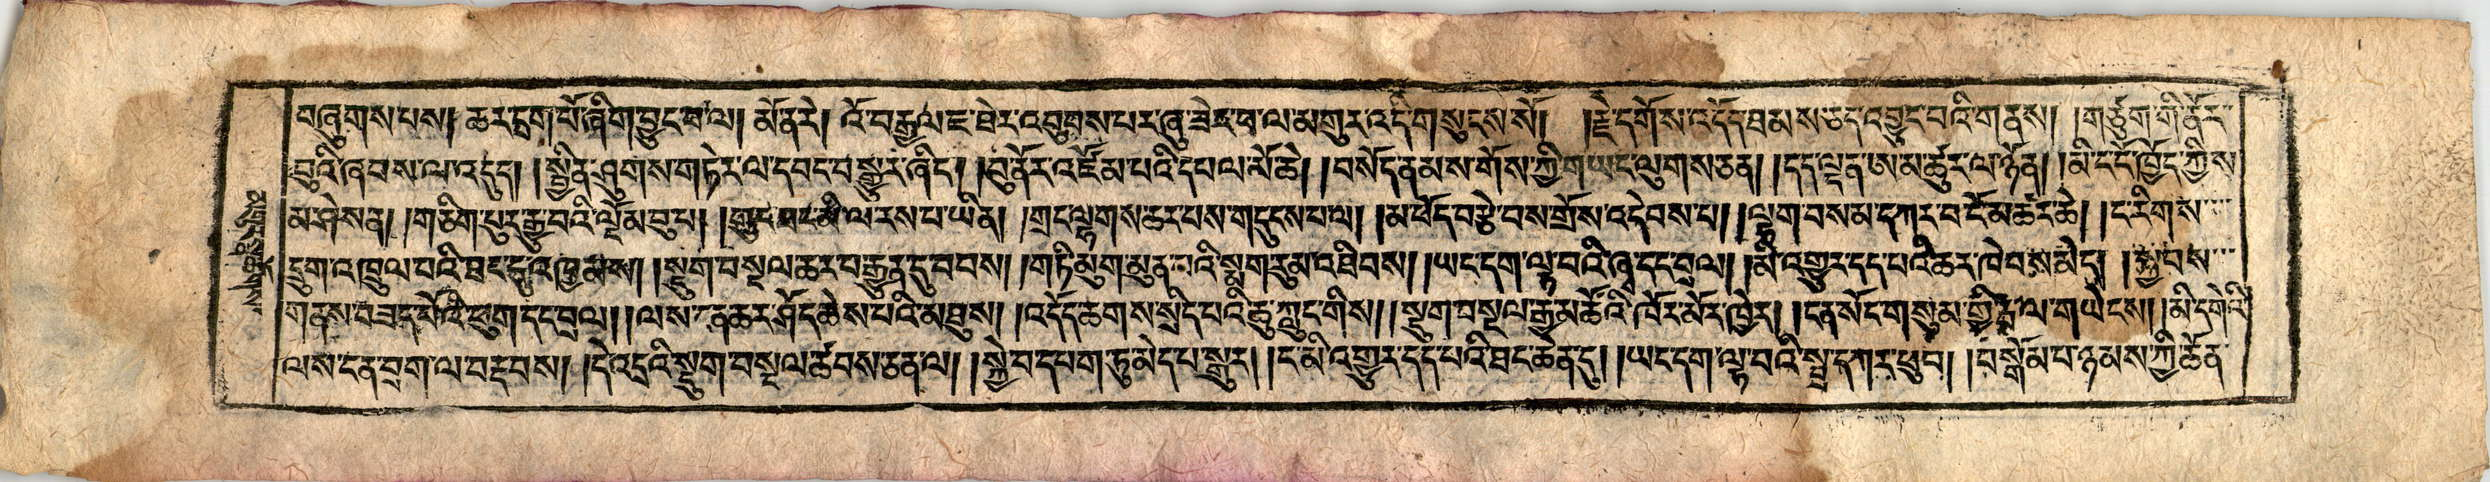བཞུགས་པས། ཆར་དྲག་པོ་ཞིག་བྱུང་བ་ལ། མོ་ན་རེ། འོ་བརྒྱལ་ཇ་ཐེར་འབུབས་པར་ཞུ་ཟེར་བ་ལ་མགུར་འདི་གསུངས་སོ། །རྗེ་དགོས་འདོད་ཐམས་ཅད་འབྱུང་བའི་གནས། །གཙུག་གི་ནོར་
བུའི་ཞབས་ལ་འདུད། །སྦྱིན་ཤུགས་གཏེར་ལ་དབང་བསྐྱུར་ཞིད། །བུ་ནོར་འཛོམ་པའི་དཔལ་མོ་ཆེ། །བསོད་ནམས་གོས་ཀྱི་གཡང་ལུགས་ཅན། །དད་ལྡན་ཨ་མ་ཚུར་ལ་ཉོན། །མི་ང་ངོ་ཁྱོད་ཀྱིས་
མ་ཤེས་ན། །གཅིག་པུར་རྒྱུ་བའི་ལྡོམ་བུ་པ། །གུང་ཐང་མི་ལ་རས་པ་ཡིན། །གྲང་ལྷགས་ཆར་པས་གདུངས་པ་ལ། །མ་ཕོད་བརྩེ་བས་གྲོས་འདེབས་པ། ལྷག་བསམ་དཀར་བ་ངོ་མཚར་ཆེ། །ང་རིགས་
དྲུག་འཁྲུལ་པའི་ཐང་དུ་འཁྱམས། །སྡུག་བསྔལ་ཆར་བ་རྒྱུན་དུ་བབས། །གཏི་མུག་མུན་པའི་སྨག་རུམ་འཐིབས། །ཡང་དག་ལྟ་བའི་ཞྭ་དང་བྲལ། །མི་འགྱུར་དད་པའི་ཆར་ཁེབས་མེད། །སྐྱབས་
གནས་བཟང་པོའི་་ཕུག་དང་བྲལ། །ལས་ངན་ཆར་ཞོད་ཆེས་པའི་མཐུས། །འདོད་ཆགས་སྲིད་པའི་ཆུ་ཀླུང་གིས། །སྡུག་བསྔལ་རྒྱ་མཚོའི་ཁོར་མོར་ཁྱེར། །ངན་སོང་གསུམ་གྱི་རྦ་ལ་གཡེངས། །མི་དགེའི་
ལས་ངན་བྲག་ལ་བརྡབས། །དེ་འདྲའི་སྡུག་བསྔལ་ཚབས་ཅན་ལ། །སྐྱེ་བ་དཔག་ཏུ་མེད་པ་སྒུར། །ང་མི་འགྱུར་དད་པའི་ཐང་ཆེན་དུ། །ཡང་དག་ལྟ་བའི་སྦྲ་དཀར་ཕུབ། །བསྒོམ་པ་ཉམས་ཀྱི་ཆོན་